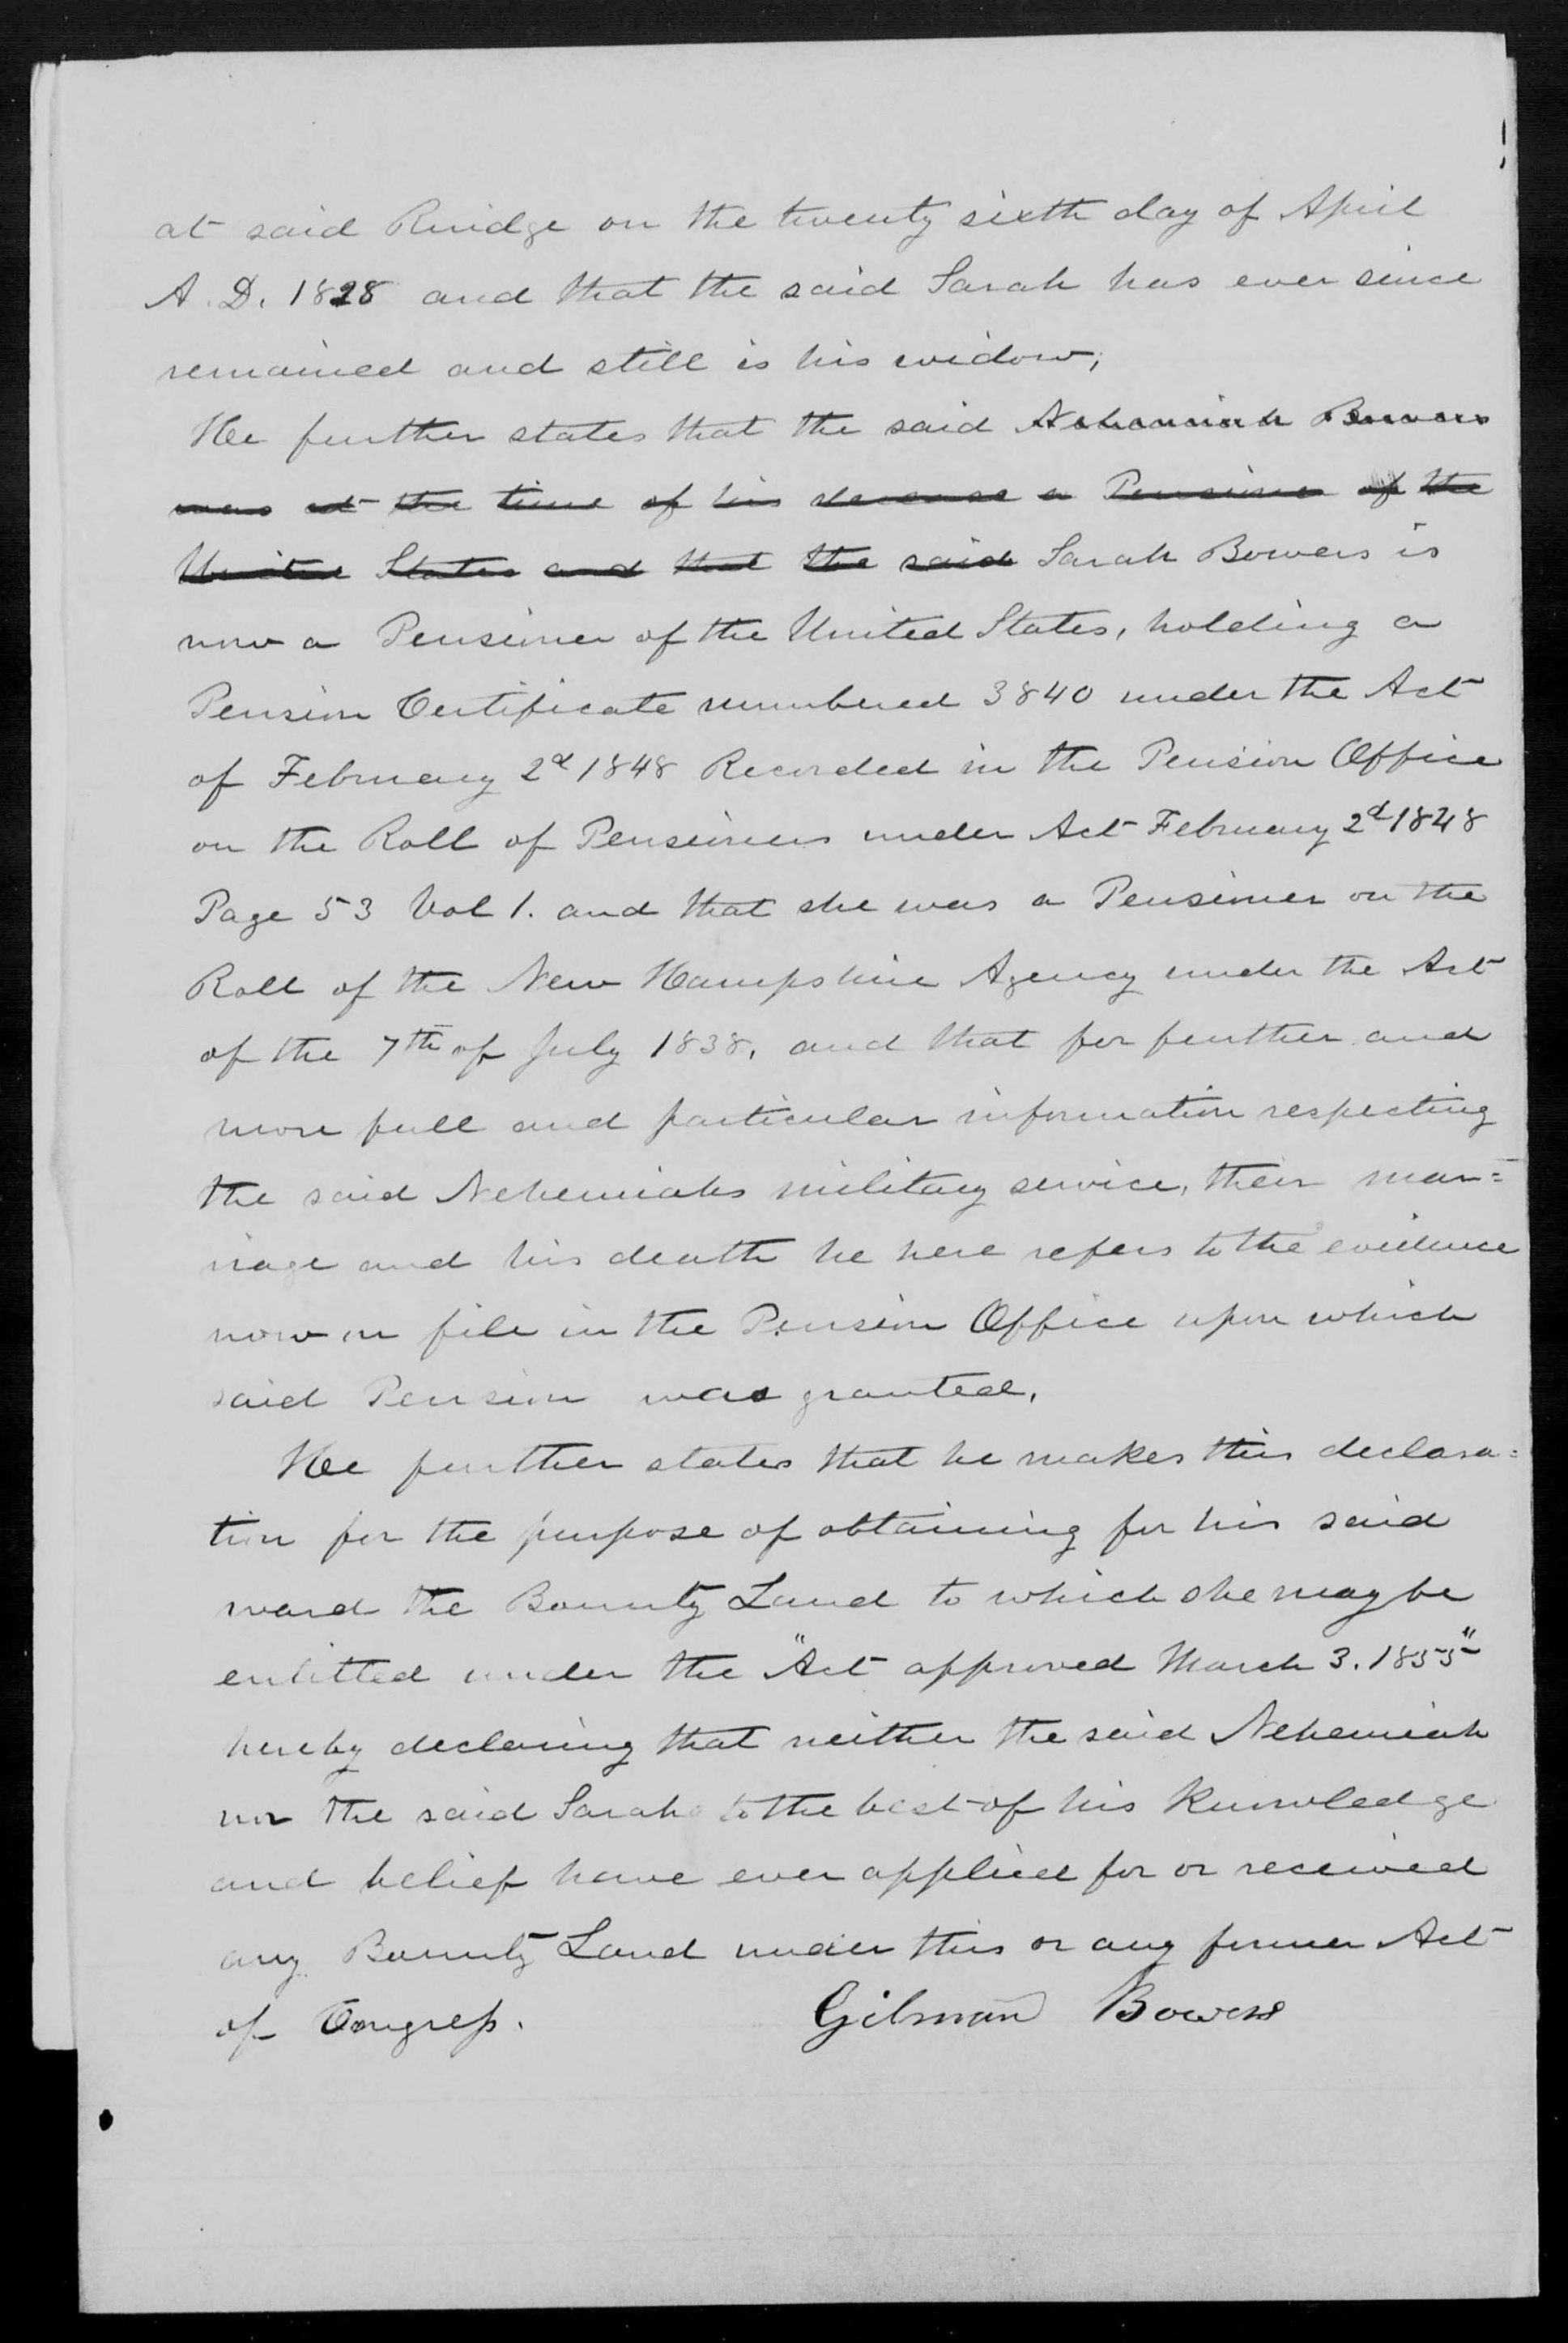at said Rindge on the twenty sixth day of April
A.D. 1828 and that the said Sarah has ever since
remained and still is his widow.
He further states that the said Nehemiah Bowers [lines of text crossed out] Sarah Bowers is
now a Pensioner of the United States, holding a
Pension Certificate numbered 3840 under the Act
of February 2d 1848 Recorded in the Pension Office
on the Roll of Pensioners under Act February 2d 1848
Page 53 Vol 1. and that she was a pensioner on the
Roll of the New Hampshire Agency under the Set
of the 7th of July 1838, and that for further and
more full and particular information respecting
the said Nehemiah military service, their marriage
and his death he here refers to the evidence
now on file in the Pension Office upon which
said Pension was granted,
He further states that he makes this declaration
for the purpose of obtaining for his said
ward the Bounty Land to which she maybe
entitled under the "Act approved March 3, 1855"
hereby declaring that neither the said Nehemiah
nor the said Sarah to the best of his knowledge,
and belief have ever applied for or received
any Bounty Land under this or any former act
of Congress.
Gilman Bowers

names: Nehemiah, Gilman Bowers, Sarah Bowers, Nehemiah, Nehemiah Bowers, Sarah, Sarah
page: 9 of 42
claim: widow's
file: W. 23,652, Nehemiah Bowers, Mass.